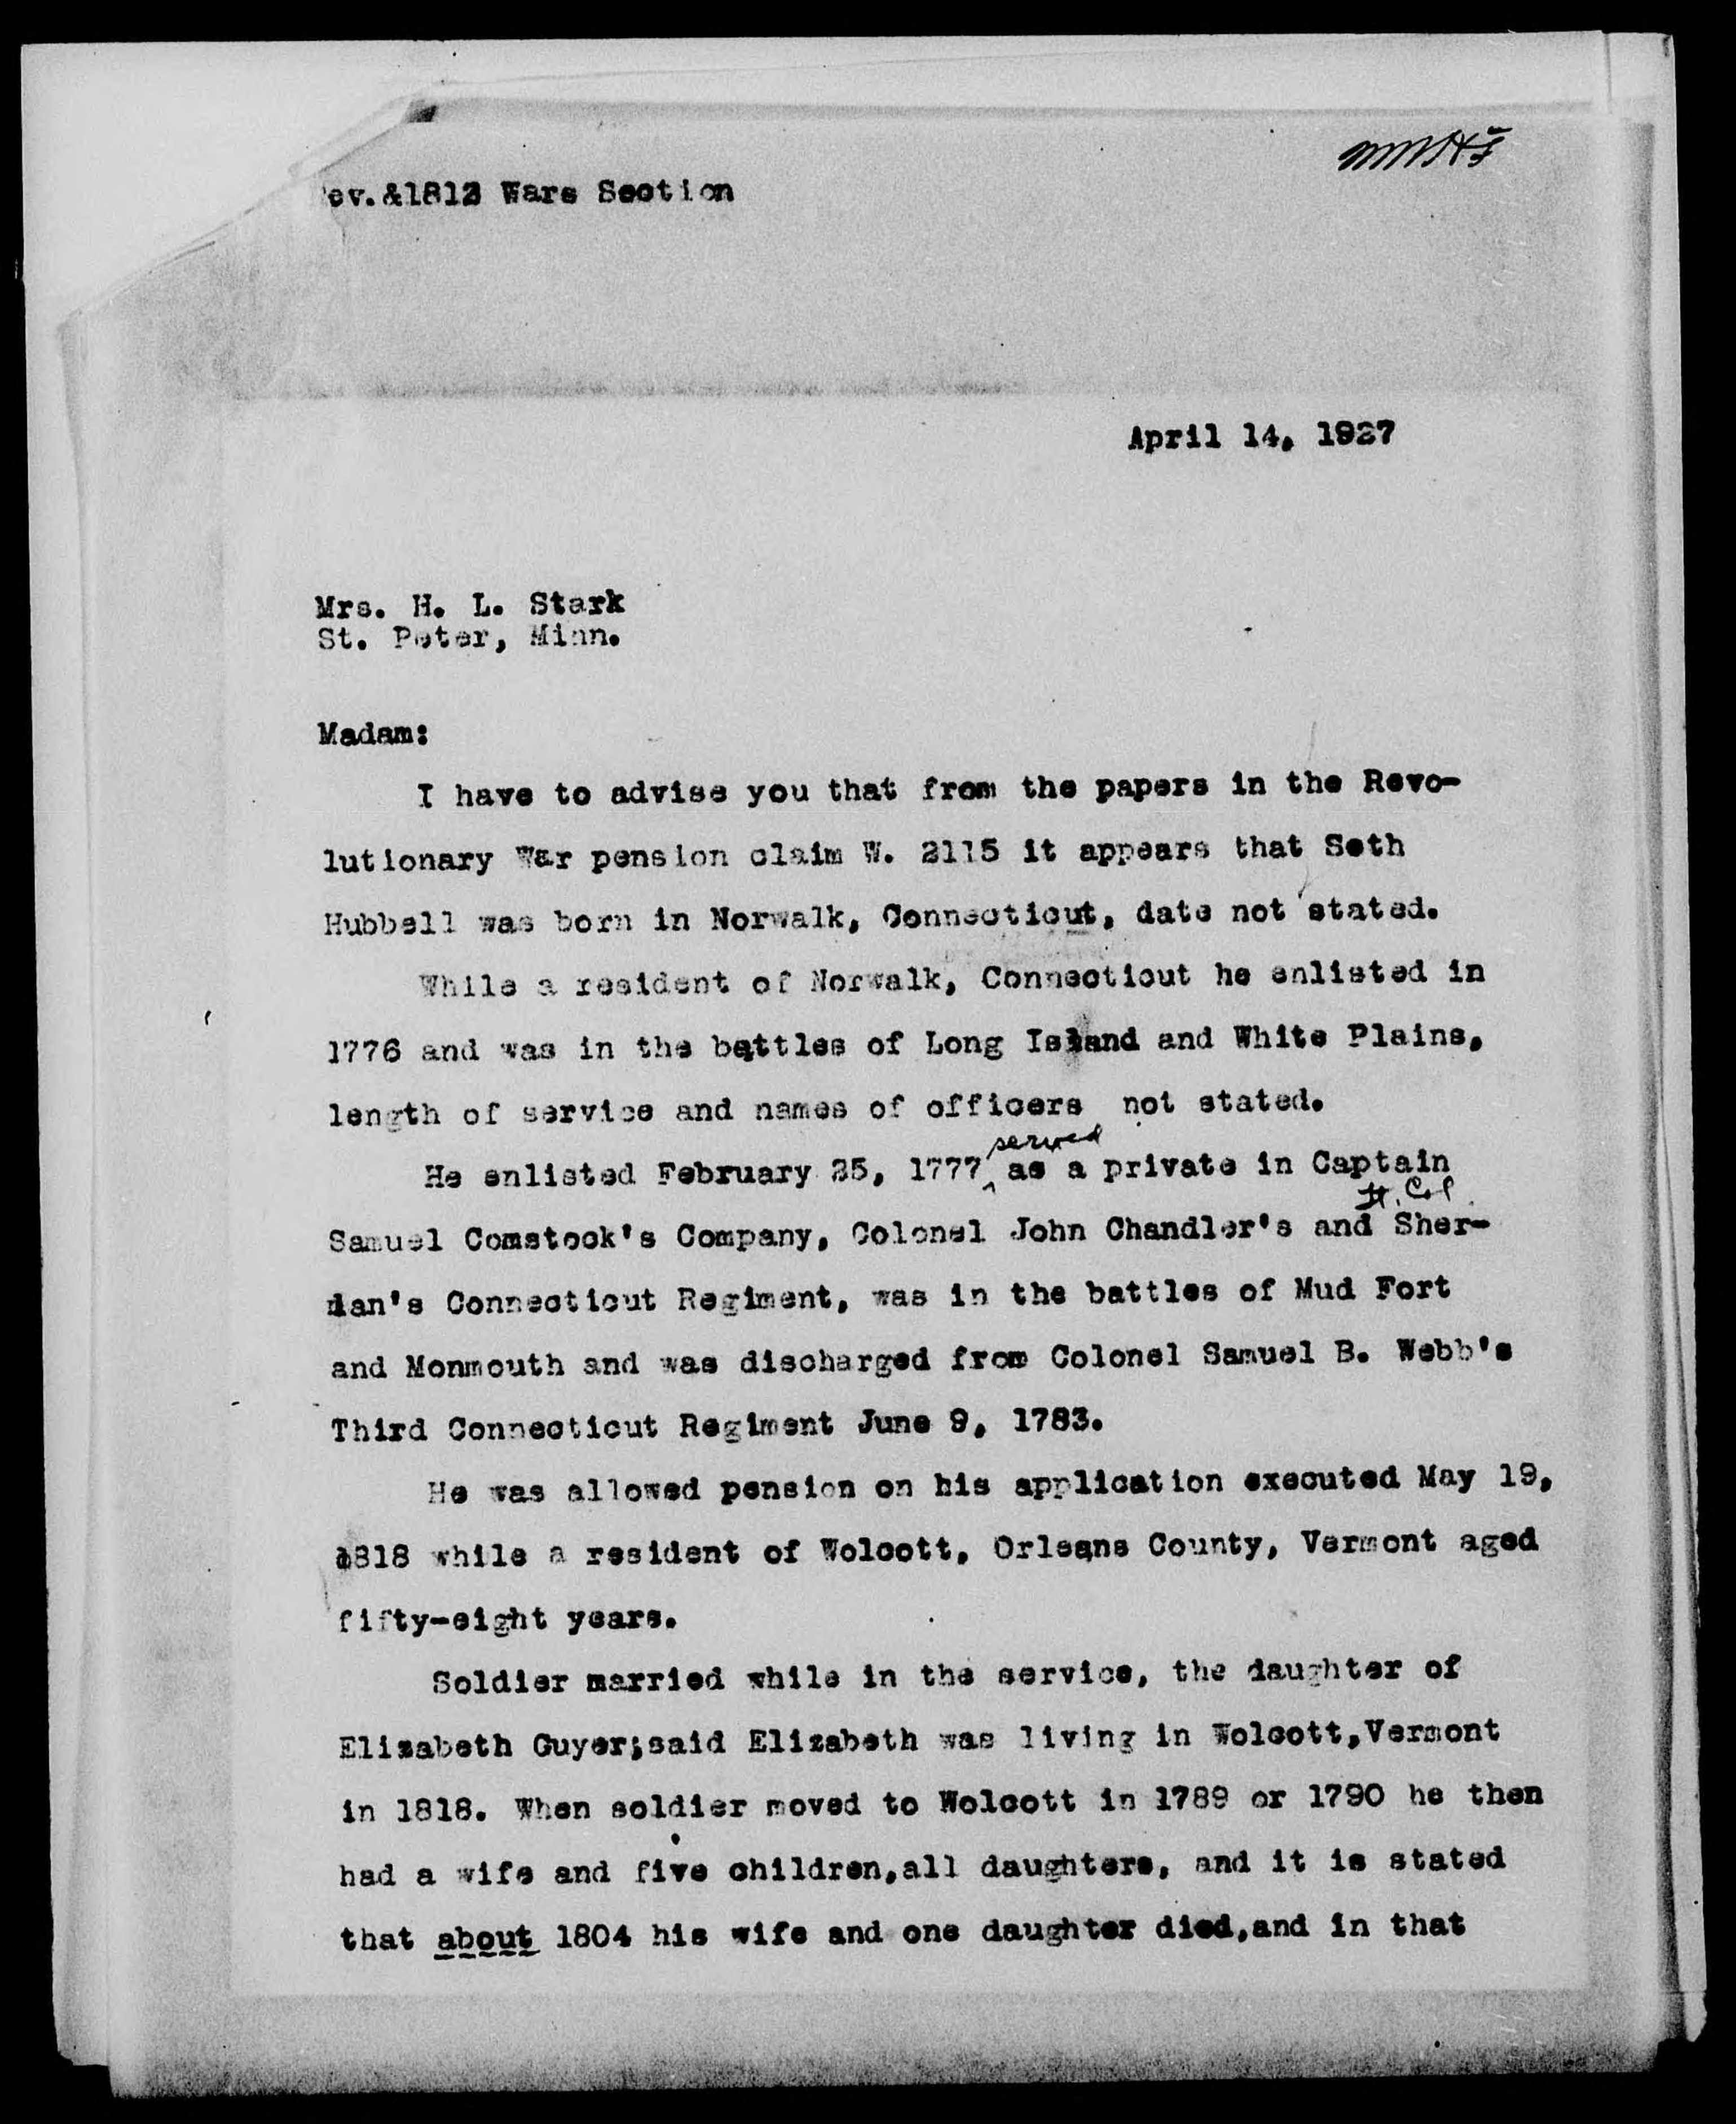April 14, 1927

Mrs. H. L. Stark
St. Peter, Minn.

Madam:
I have to advise you that from the papers in the Revolutionary War pension claim W. 2115 it appears that Seth Hubbell was born in Norwalk, Connecticut he enlisted in 1776 and was in the battles of Long Island and White Plains, length of service and names of officers not stated.

He enlisted February 25, 1777, [handwritten "served"] as a private in Captain Samuel Comstock's Company, Colonel John Chandler's and [handwritten "Lt. Col."] Sherman's Connecticut Regiment, was in the battles of Mud Fort and Monmouth and was discharged from Colonel Samuel B. Webb's Third Connecticut Regiment June 9, 1783.

He was allowed pension on his application executed May 19, 1818 while a resident of Wolcott, Orleans County, Vermont aged fifty-eight years.

Soldier married while in the service, the daughter of Elisabeth Guyer; said Elisabeth was living in Wolcott, Vermont in 1818.  When solider moved to Wolcott in 1789 or 1790 he then had a wife and five children, all daughters, and it is stated that about 1804 his wife and one daugther died, and in that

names: Elizabeth Guyer, H L Stark, Seth Hubbell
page: 64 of 114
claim: widow's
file: W. 2115, Seth Hubbell, Conn.